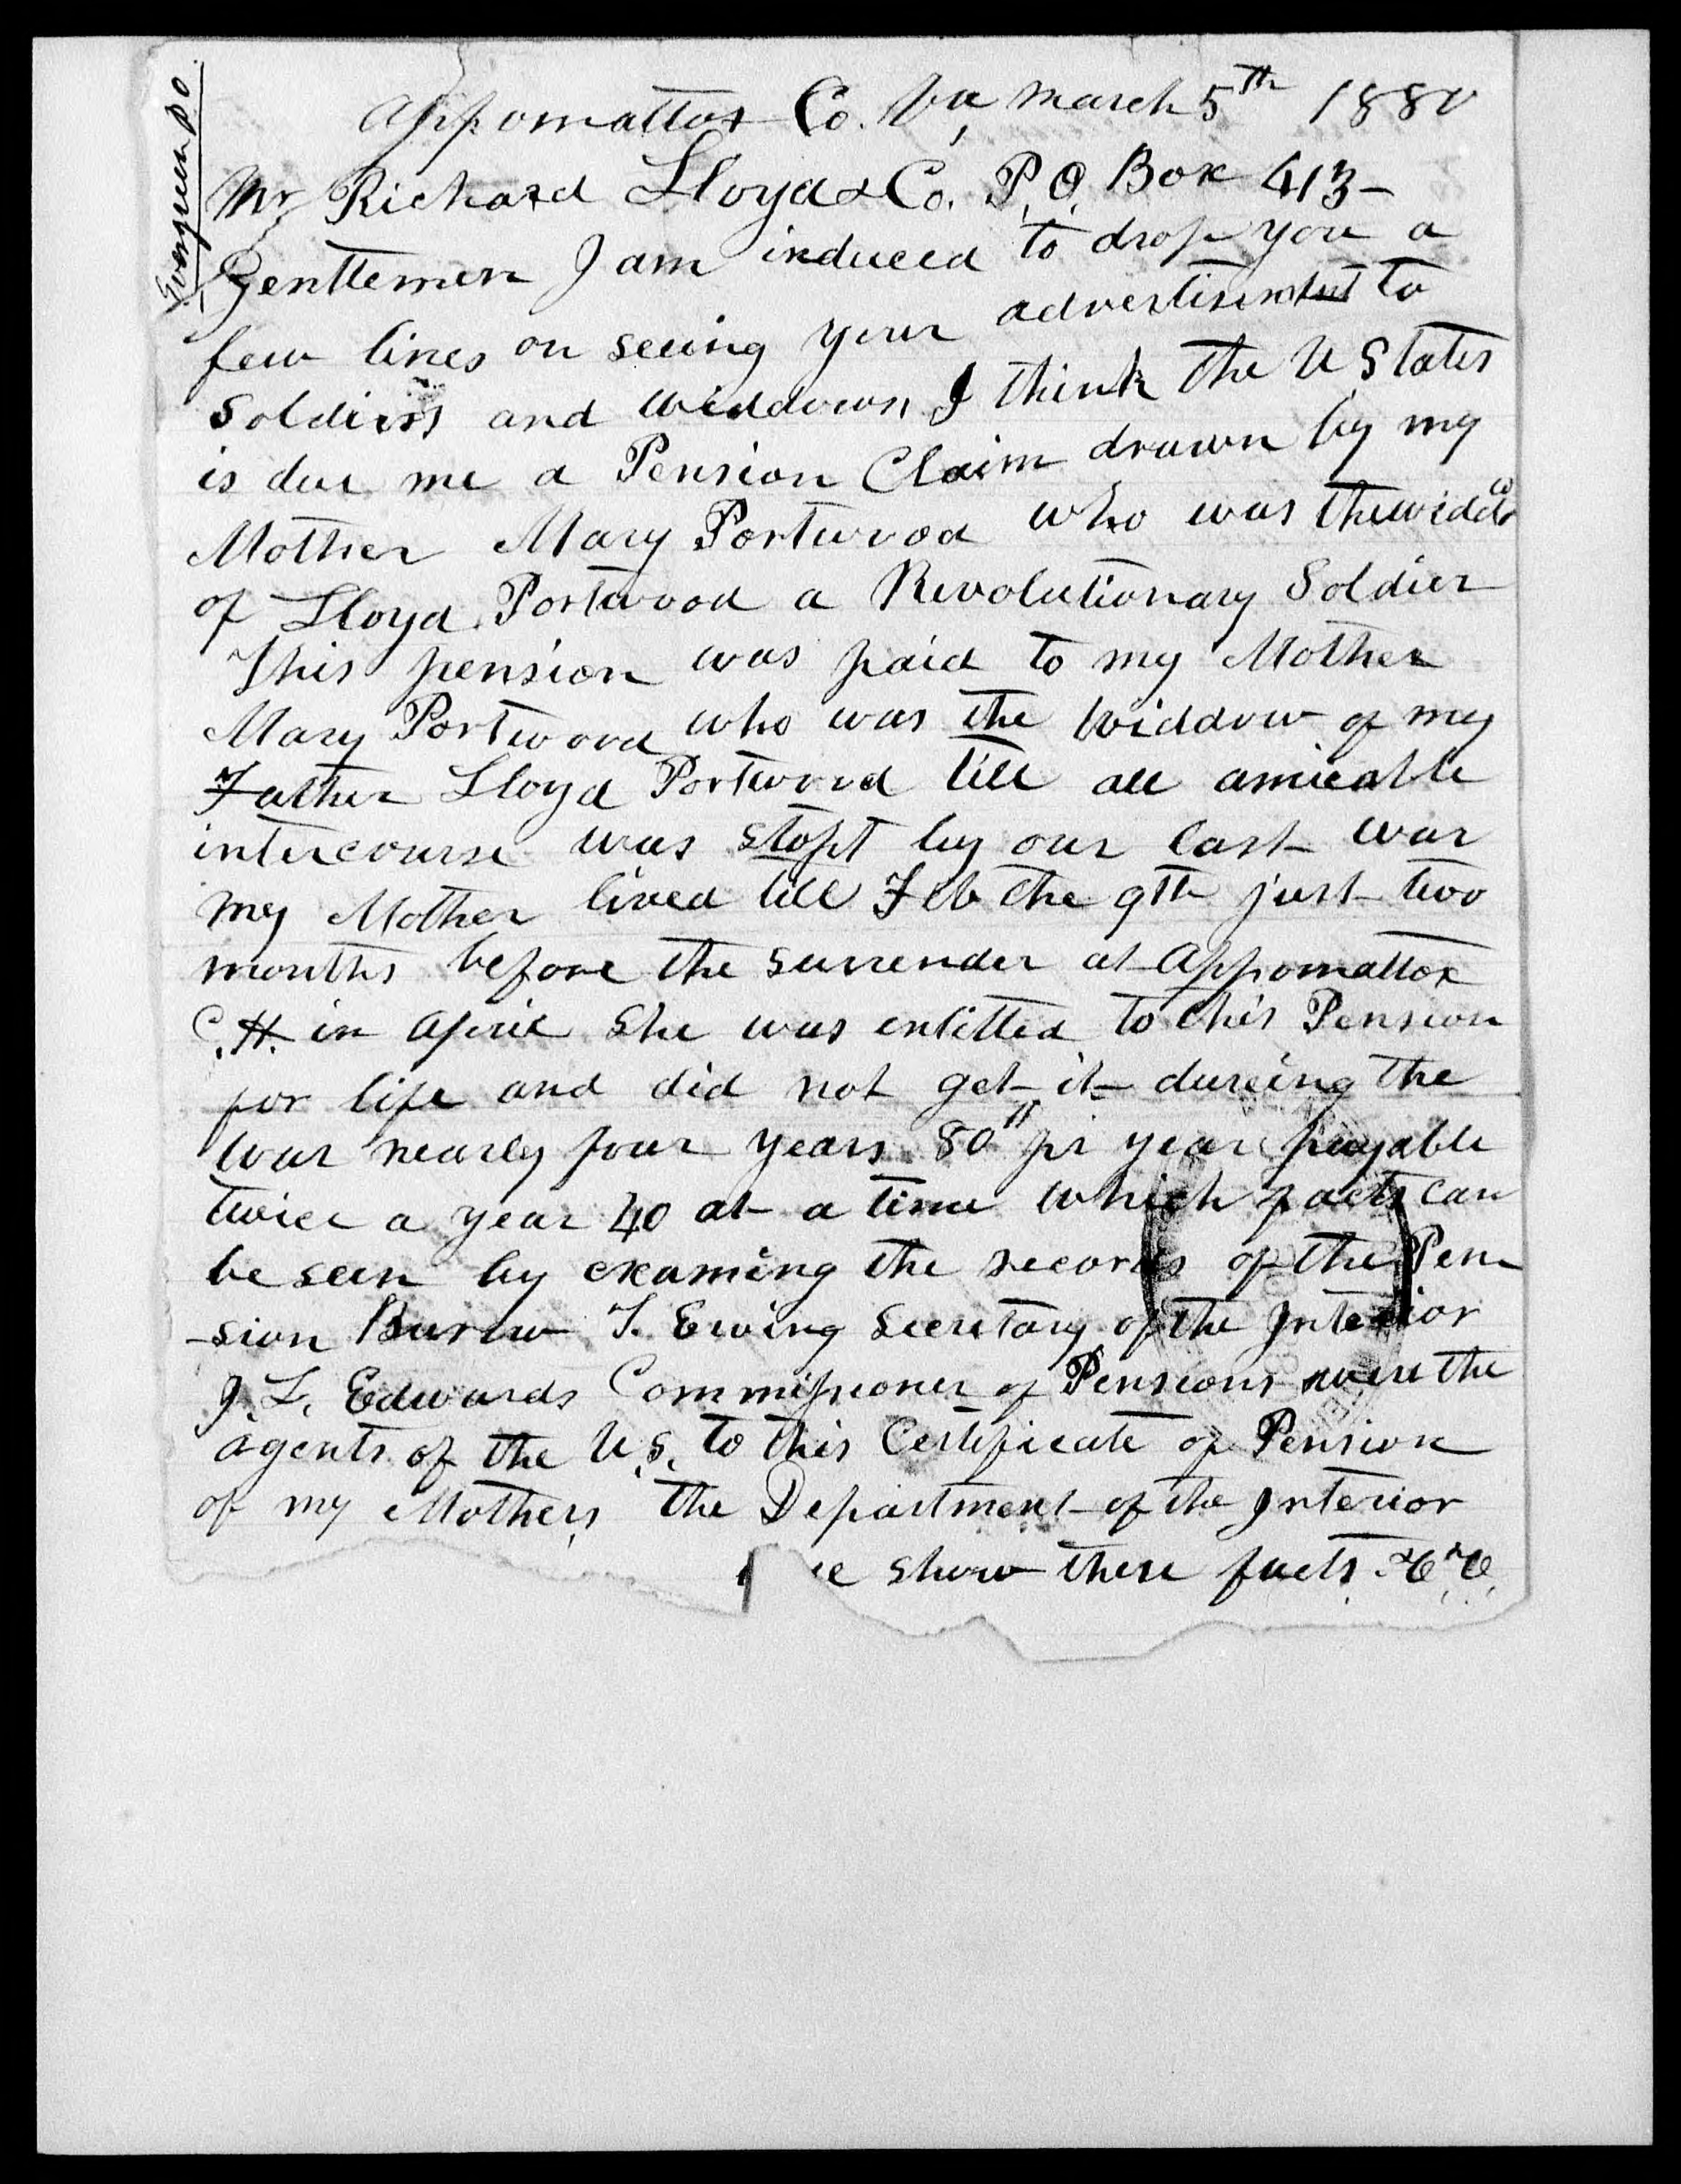[Sideways on the page] Evergreen P.O.
Appomattox Co. Va, March 5th 1880
Mr Richard Lloyd & Co. P.O. Box 413 -
Gentlemen I am induced to drop you a
few lines on seeing your advertisement to
soldiers and widdows, I think the U States
is due me a Pension Claim drawn by my
Mother Mary Portwood who was the widdow
of Lloyd Portwood a Revolutionary Soldier
This pension was paid to my Mother
Mary Portwood who was the widdow of my
Father Lloyd Portwood till all amicable
intercourse was stopt by our last war
my Mother lived till Feb the 9th just two
months before the surrender at Appomattox
C.H. in April She was entitled to this Pension
for life and did not get it during the
war nearly four years 80" pr year payable
twice a year 40 at a time which facts can
be seen by examing the records of the Pension
Bureau T. Ewing Secretary of the Interior
J.L. Edwards Commissioner of Pensions were the
agents of the U.S. to this Certificate of Pension
of my Mothers the Department of the Interior
[page torn] show these facts &c &c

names: Mary Portwood; Richard Lloyd; J L Edwards; Lloyd Portwood; T Ewing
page: 31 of 50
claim: widow's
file: W. 1929, for Lloyd Portwood, Virginia